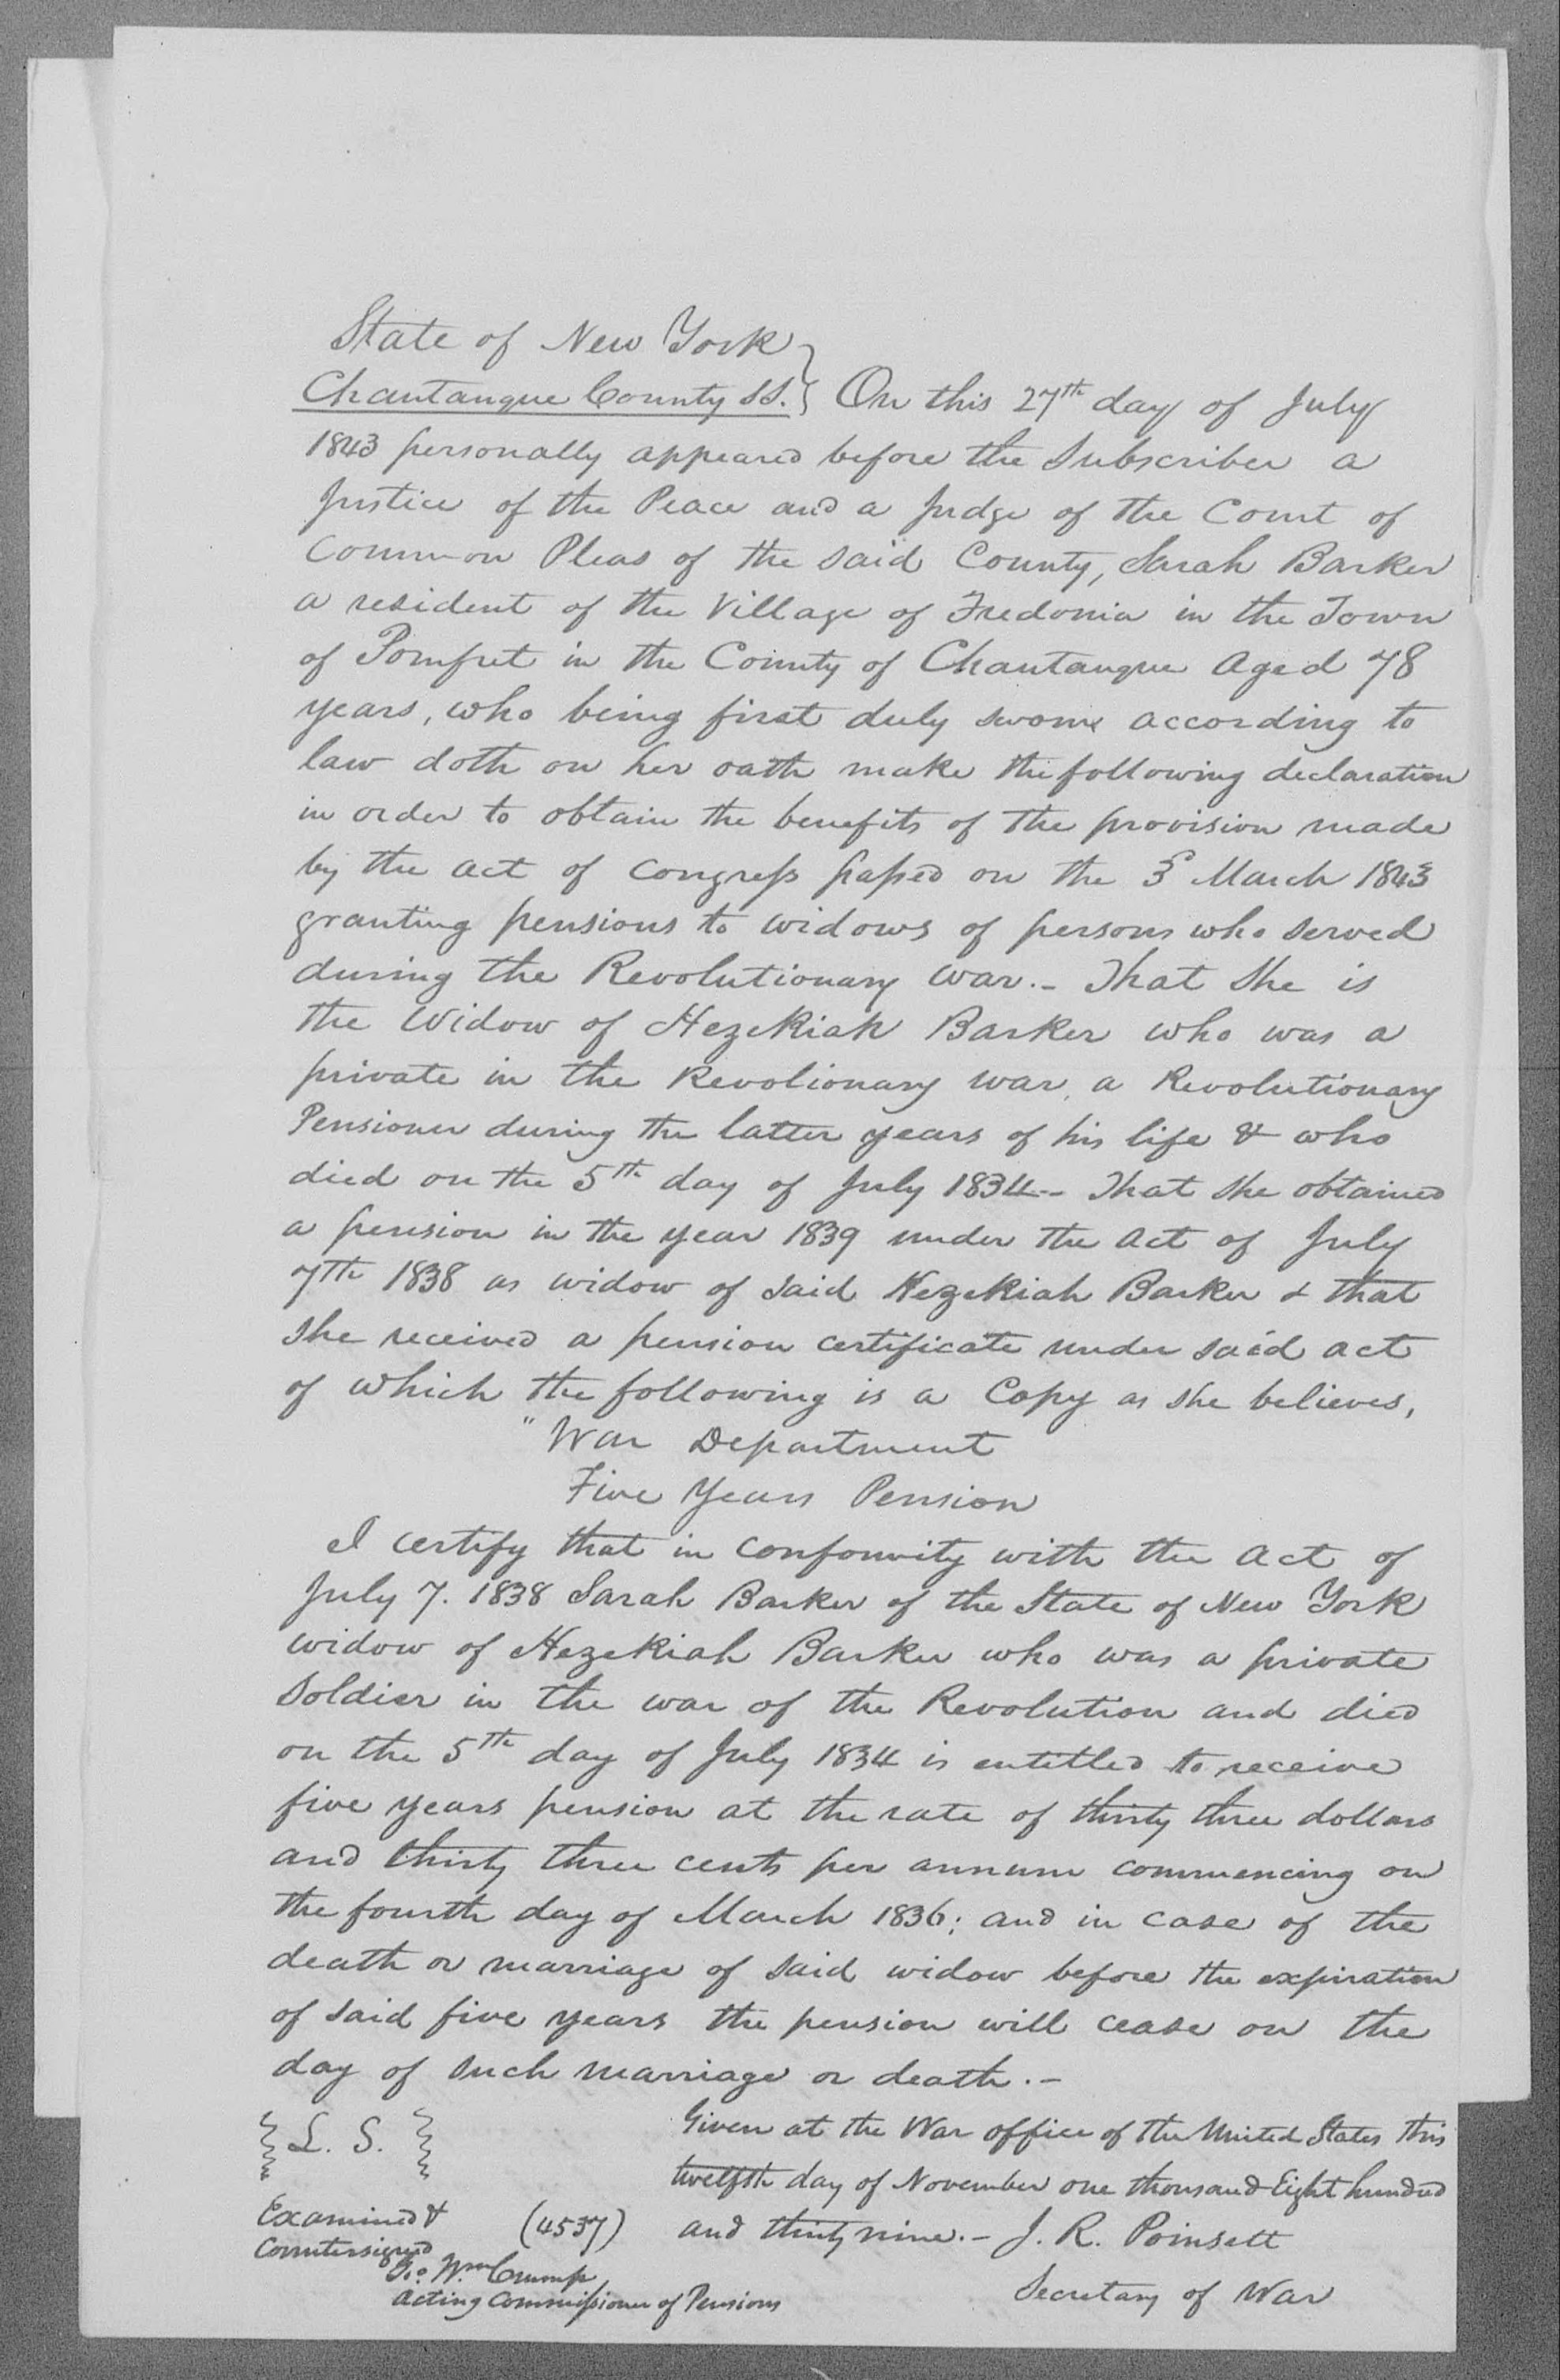State of New York Chautauqua County SS. On this 27th day of July 1843 personally appeared before the subscriber a Justice of the Peace and a Judge of the Court of Common Pleas of the said County, Sarah Barker a resident of the Village of Fredonia in the Town of Pomfret in the County of Chautauqua aged 78 years, who being first duly sworn according to law doth on her oath make the following declaration in order to obtain the benefits of the provision made by the Act of Congress passed on the 3d March 1843 granting pensions to widow of persons who served during the Revolutionary War. That she is the widow of Hezekiah Barker who was a private in the Revolutionary War a Revolutionary Pensioner during the latter years of his life & who died on the 5th day of July 1834. That she obtained a pension in the year 1839 under the Act of July 7th 1838 as widow of said Hezekiah Barker & that she received a pension certificate under said act of which the following is a copy as she believes, "War Department Five Years Pension I certify that in conformity with the Act of July 7 1838 Sarah Barker of the State of New York widow of Hezekiah Barker who was a private Soldier in the war of the Revolution and died on the 5th day of July 1834 is entitled to receive five years pension at the rate of thirty three dollars and thirty three cents per annum commencing on the fourth day of March 1836; and in case of the death or marriage of said widow before the expiration of said five years the pension will cease on the day of such marriage or death. Given at the War office of the United States this twelfth day of November one thousand & eight hundred and thirty nine. J. R. Poinsett Secretary of War Examined & Countersigned Geo Wm Crump Acting Commissioner of Pensions (4537)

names: Geo Wm Crump, Hezekiah Barker, Hezekiah Barker, Sarah Barker, Hezekiah Barker, Sarah Barker, J R Poinsett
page: 51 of 52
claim: widow's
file: W. 18,565, Hezekiah Barker, Continental R.I.